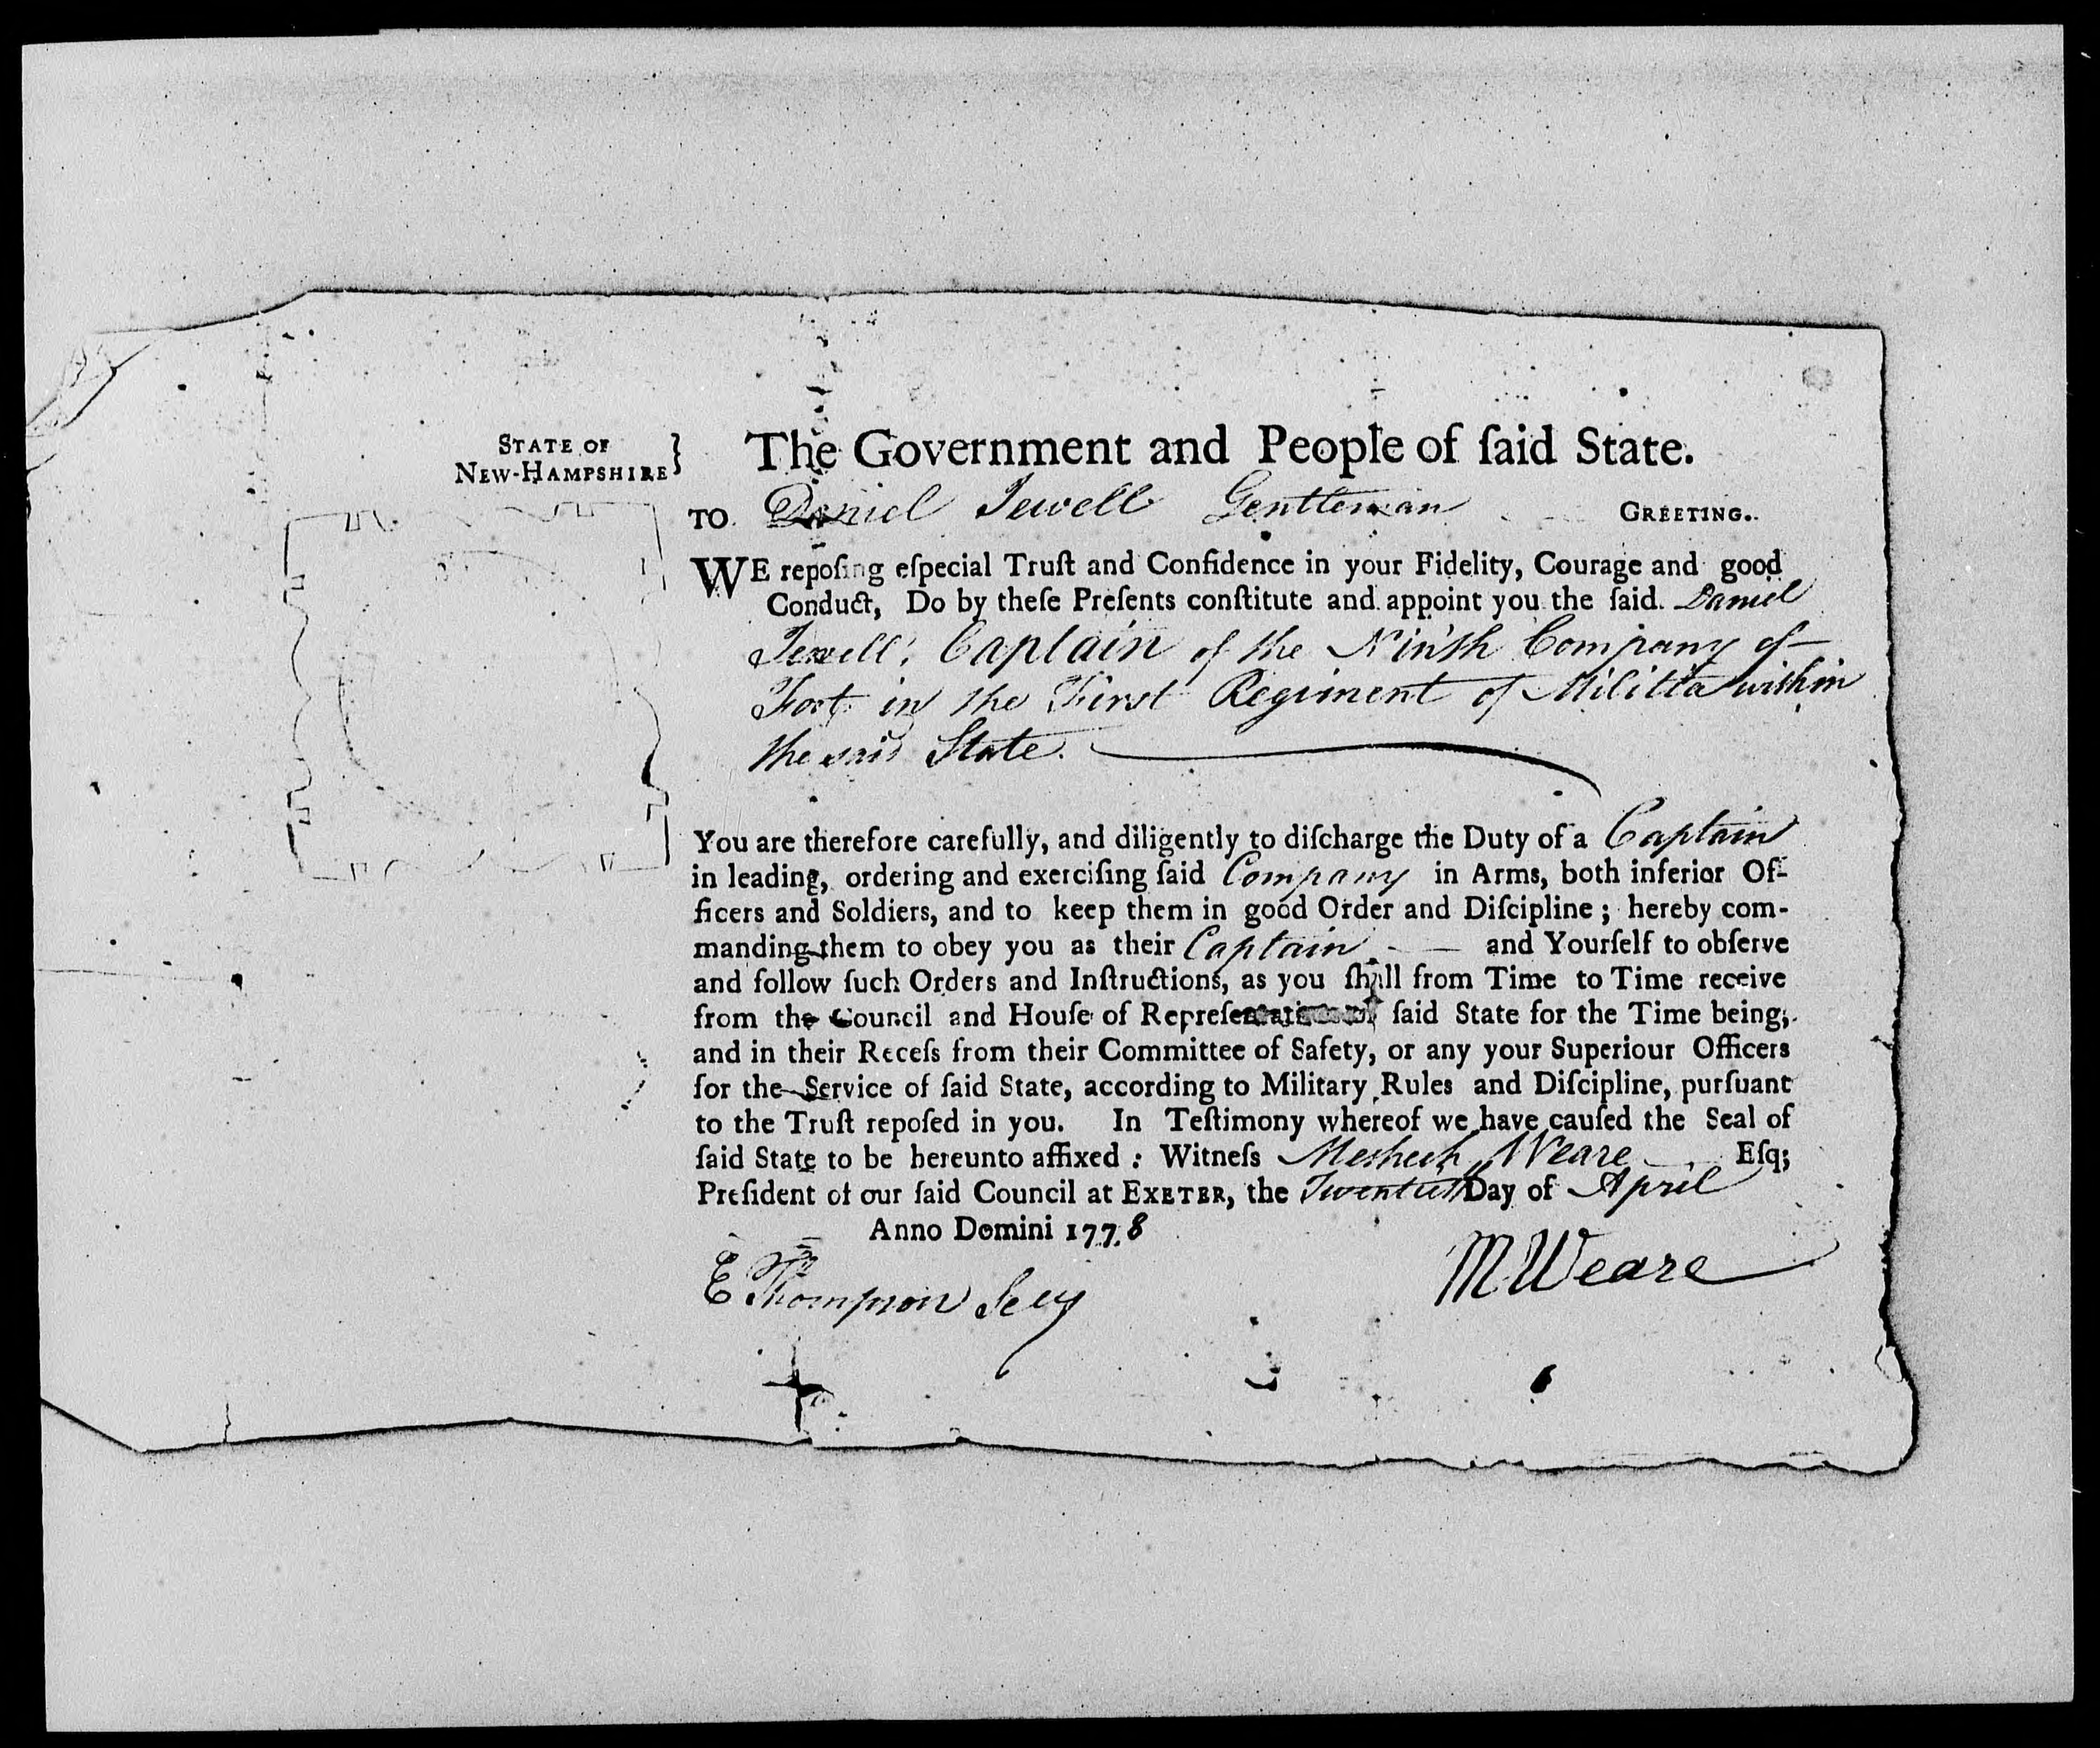STATE OF
NEW HAMPSHIRE

The Government and people of said State.
To Daniel Jewell Gentleman GREETING.
WE reposing especial Trust and Confidence in your Fidelity, Courage and good Conduct, do by these Presents constitute and appoint you the said Daniel Jewell Captain of the Ninth Company of Foot in the First Regiment of Militia within the said State

You are therefore carefully, and diligently to discharge the Duty of a Captain in leading, ordering and exercising said Company in Arms, both inferior Officers and Soldiers, and to keep them in good Order and Discipline; hereby commanding them to obey you as their Captain --and Yourself to observe and follow such Orders and Instructions, as you shall from Time to Time receive from the Council and House of Representatives of said State for the Time being, and in their recess from their Committee of Safety, or any your Superior Officers for the service of said State, according to Military Rules and Discipline, pursuant
to the Trust reposed in you. In Testimony whereof we have caused the Seal of said State to be hereunto affixed. Witness Mesheck Weare Esq;
President of our said Council at EXETER, the Twentieth day of April Anno Domini 1778
M Weare
E. Thompson Secy [SECRETARY]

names: E Thompson; Daniel Jewell; Mesheck Weare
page: 34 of 35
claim: survivor's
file: S. 10912, for Daniel Jewell, New Hampshire